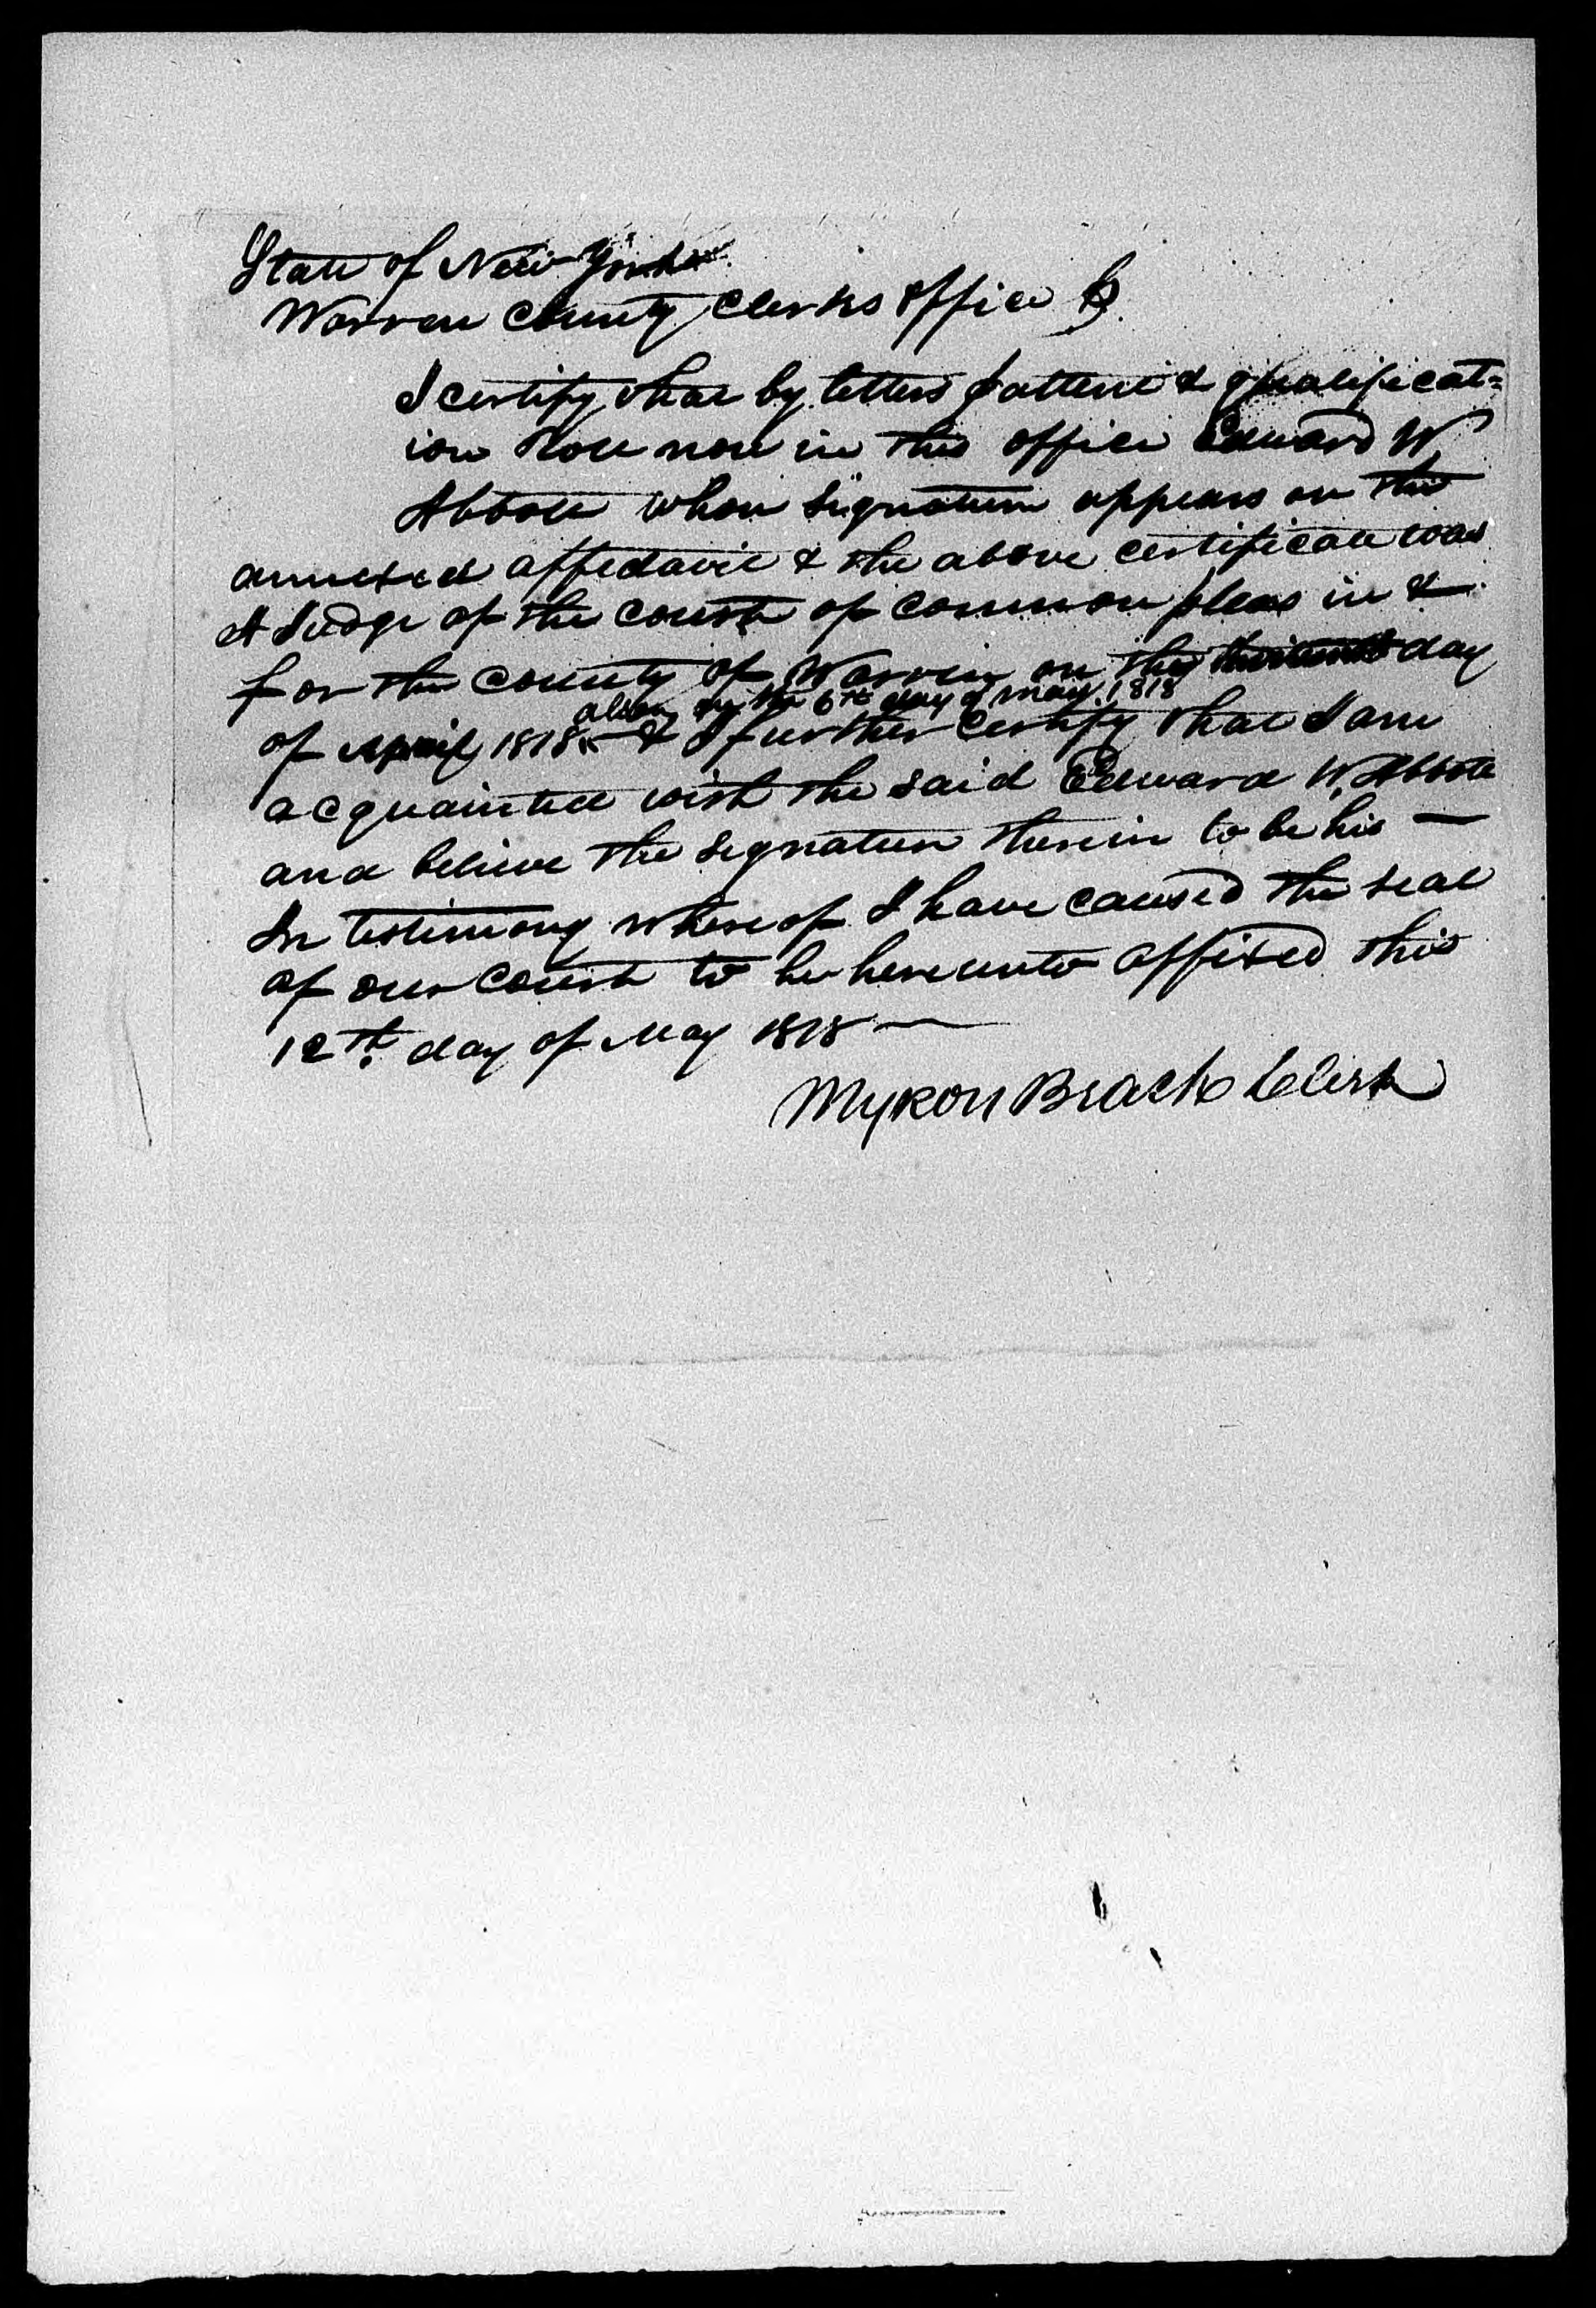State of New York
Warren County Clerks office
I certify that by letters [illegible] & qualification
now [illegible] in this office Edward W
Abbott whose signature appears on the
annexed affidavit & the above certificate was
a Judge of the Court of Common pleas in &
for the County of Warren on the day
of April 1818 also on the 6th day of May, 1818 & I further certify that I am
acquainted with the said Edward W Abbott
and believe the signature therein to be his.
In testimony whereof I have caused the seal
of our Court to be hereunto affixed this
12th day of May 1818.
Myron Beach Clerk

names: Edward W Abbott, Myron Beach, Edward W Abbott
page: 57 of 60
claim: widow's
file: W 16,955, Samuel Dickinson, Conn.